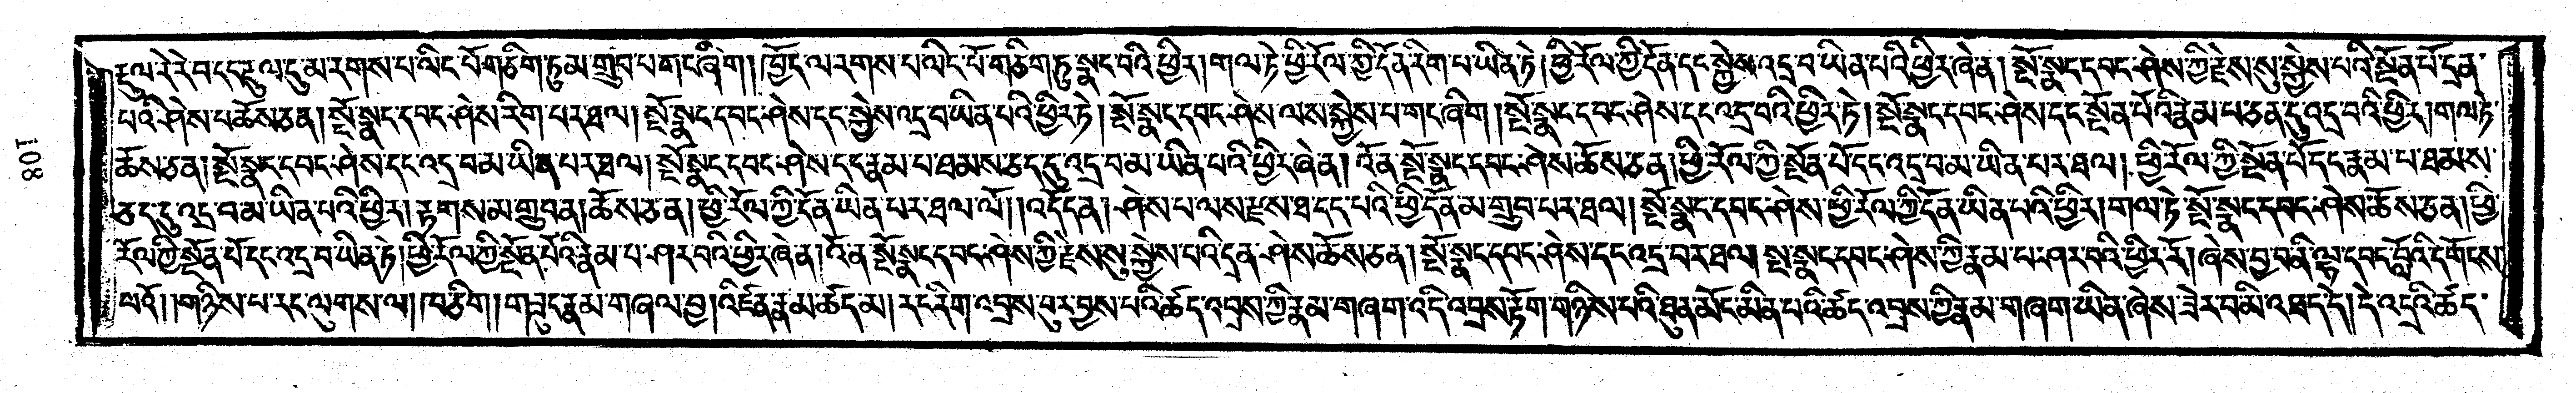རྡུལ་རེ་རེ་བ་དང་རྡུལ་དུ་མ་རགས་པ་ལིང་པོ་གཅིག་ཏུ་མ་གྲུབ་པ་གང་ཞིག །ཁྱོད་ལ་རགས་པ་ལིང་པོ་གཅིག་ཏུ་སྣང་བའི་ཕྱིར། གལ་ཏེ་ཕྱི་རོལ་ཀྱི་དོན་རིག་པ་ཡིན་ཏེ། ཕྱི་རོལ་ཀྱི་དོན་དང་སྐྱེས་འདྲ་བ་ཡིན་པའི་ཕྱིར་ཞེ་ན། སྔོ་སྣང་དབང་ཤེས་ཀྱི་རྗེས་སུ་སྐྱེས་པའི་སྔོན་པོ་དྲན་
པའི་ཤེས་པ་ཆོས་ཅན། སྔོ་སྣང་དབང་ཤེས་རིག་པར་ཐལ། སྔོ་སྣང་དབང་ཤེས་དང་སྐྱེས་འདྲ་བ་ཡིན་པའི་ཕྱིར་ཏེ། སྔོ་སྣང་དབང་ཤེས་ལས་སྐྱེས་པ་གང་ཞིག །སྔོ་སྣང་དབང་ཤེས་དང་འདྲ་བའི་ཕྱིར་ཏེ། སྔོ་སྣང་དབང་ཤེས་དང་སྔོན་པོའི་རྣམ་པ་ཅན་དུ་འདྲ་བའི་ཕྱིར། གལ་ཏེ།
ཆོས་ཅན། སྔོ་སྣང་དབང་ཤེས་དང་འདྲ་བ་མ་ཡིན་པར་ཐལ། སྔོ་སྣང་དབང་ཤེས་དང་རྣམ་པ་ཐམས་ཅད་དུ་འདྲ་བ་མ་ཡིན་པའི་ཕྱིར་ཞེ་ན། འོ་ན་སྔོ་སྣང་དབང་ཤེས་ཆོས་ཅན། ཕྱི་རོལ་ཀྱི་སྔོན་པོ་དང་འདྲ་བ་མ་ཡིན་པར་ཐལ། ཕྱི་རོལ་ཀྱི་སྔོན་པོ་དང་རྣམ་པ་ཐམས་
ཅད་དུ་འདྲ་བ་མ་ཡིན་པའི་ཕྱིར། རྟགས་མ་གྲུབ་ན། ཆོས་ཅན། ཕྱི་རོལ་ཀྱི་དོན་ཡིན་པར་ཐལ་ལོ། །འདོད་ན། ཤེས་པ་ལས་རྫས་ཐ་དད་པའི་ཕྱི་དོན་མ་གྲུབ་པར་ཐལ། སྔོ་སྣང་དབང་ཤེས་ཕྱི་རོལ་ཀྱི་དོན་ཡིན་པའི་ཕྱིར། གལ་ཏེ་སྔོ་སྣང་དབང་ཤེས་ཆོས་ཅན། ཕྱི་
རོལ་ཀྱི་སྔོན་པོ་དང་འདྲ་བ་ཡིན་ཏེ། ཕྱི་རོལ་ཀྱི་སྔོན་པོའི་རྣམ་པ་ཤར་བའི་ཕྱིར་ཞེ་ན། འོ་ན་སྔོ་སྣང་དབང་ཤེས་ཀྱི་རྗེས་སུ་སྐྱེས་པའི་དྲན་ཤེས་ཆོས་ཅན། སྔོ་སྣང་དབང་ཤེས་དང་འདྲ་བར་ཐལ། སྔོ་སྣང་དབང་ཤེས་ཀྱི་རྣམ་པ་ཤར་བའི་ཕྱིར་རོ། །ཞེས་བྱ་བ་ནི་ལྷ་དབང་བློའི་དགོངས་
པའོ༑ ༑གཉིས་པ་རང་ལུགས་ལ། ཁ་ཅིག །གཟུང་རྣམ་གཞལ་བྱ། འཛིན་རྣམ་ཚད་མ། རང་རིག་འབྲས་བུར་བྱས་པའི་ཚད་འབྲས་ཀྱི་རྣམ་གཞག་འདི་འབྲས་རྟོག་གཉིས་པའི་ཐུན་མོང་མིན་པའི་ཚད་འབྲས་ཀྱི་རྣམ་གཞག་ཡིན་ཞེས་ཟེར་བ་མི་འཐད་དེ། དེ་འདྲའི་ཚད་